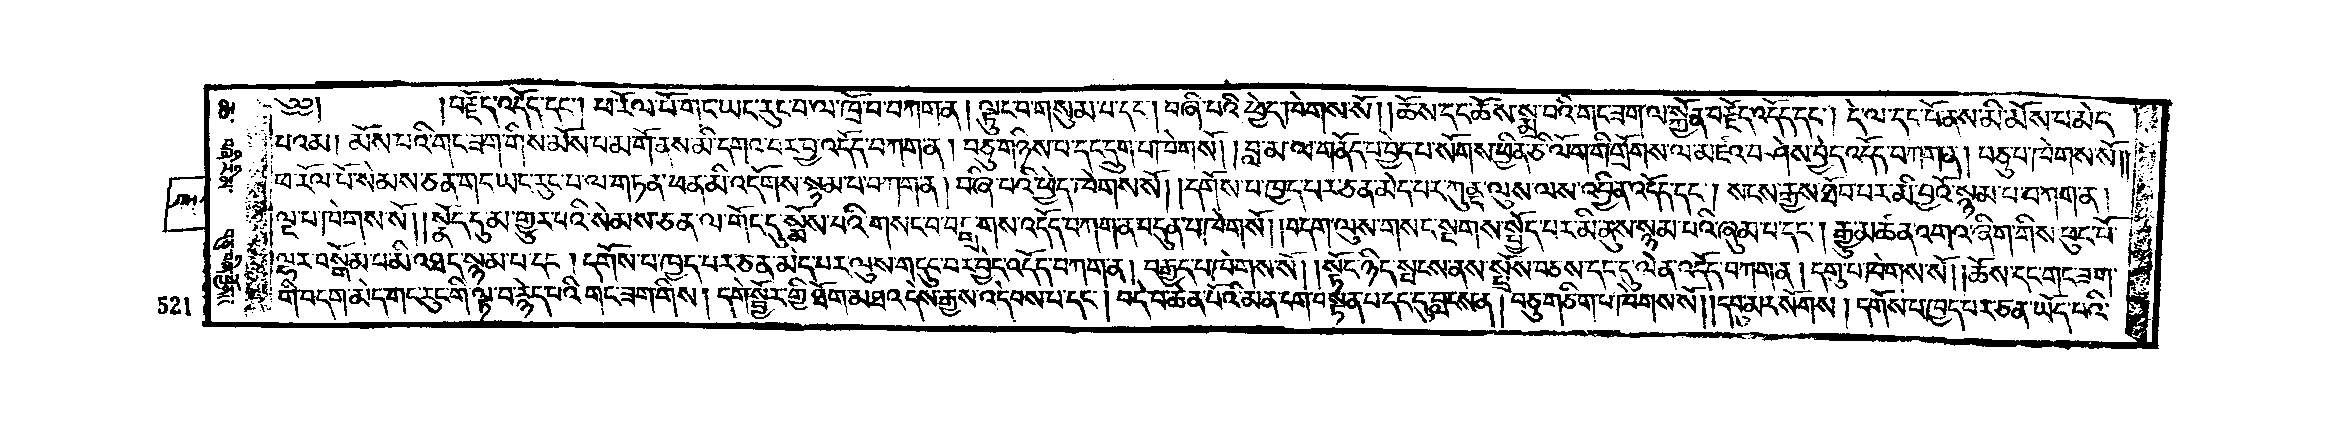༄༅། །བརྗོད་འདོད་དང་། ཕ་རོལ་པོ་གང་ཡང་རུང་བ་ལ་ཁྲོ་བ་བཀག་ན། ལྟུང་བ་གསུམ་པ་དང་། བཞི་པའི་ཕྱེད་ཁེགས་སོ། །ཆོས་དང་ཆོས་སྨྲ་བའི་གང་ཟག་ལ་སྐྱོན་བརྗོད་འདོད་དང་། དེ་ལ་དང་པོ་ནས་མི་མོས་པ་མེད་
པའམ། མོས་པའི་གང་ཟག་གིས་མོས་པ་མ་གོ་ནས་མི་དགའ་བར་བྱ་འདོད་བཀག་ན། བཅུ་གཉིས་པ་དང་དྲུག་པ་ཁེགས་སོ། །བླ་མ་ལ་གནོད་པ་བྱེད་པ་སོགས་ཕྱིན་ཅི་ལོག་གི་གྲོགས་ལ་མཛའ་བཤེས་བྱེད་འདོད་བཀག་ན། བཅུ་པ་ཁེགས་སོ།།
ཕ་རོལ་པོ་སེམས་ཅན་གང་ཡང་རུང་བ་ལ་གཏན་ཕན་མི་འདོགས་སྙམ་པ་བཀག་ན། བཞི་པའི་ཕྱེད་ཁེགས་སོ། །དགོས་པ་ཁྱད་པར་ཅན་མེད་པར་ཀུན་ད་ལུས་ལས་འབྱིན་འདོད་དང་། སངས་རྒྱས་ཐོབ་པར་མི་བྱའོ་སྙམ་པ་བཀག་ན།
ལྔ་པ་ཁེགས་སོ། །སྣོད་དུ་མ་གྱུར་པའི་སེམས་ཅན་ལ་གོང་དུ་སྨོས་པའི་གསང་བ་བསྒྲགས་འདོད་བཀག་ན་བདུན་པ་ཁེགས་སོ། །བདག་ལུས་གསང་སྔགས་སྤྱོད་པར་མི་ནུས་སྙམ་པའི་ཞུམ་པ་དང་། རྒྱུ་མཚན་འགའ་ཞིག་གིས་ཕུང་པོ་
ལྷར་བསྒོམ་པ་མི་འཐད་སྙམ་པ་དང་། དགོས་པ་ཁྱད་པར་ཅན་མེད་པར་ལུས་གདུང་བར་བྱེད་འདོད་བཀག་ན། བརྒྱད་པ་ཁེགས་སོ། །སྟོང་ཉིད་སྤངས་ནས་སྤྲོས་བཅས་དང་དུ་ལེན་འདོད་བཀག་ན། དགུ་པ་ཁེགས་སོ། །ཆོས་དང་གང་ཟག་
གི་བདག་མེད་གང་རུང་གི་ལྟ་བ་རྙེད་པའི་གང་ཟག་གིས། དགེ་སྦྱོར་གྱི་ཐོག་མཐའ་དེས་རྒྱས་འདེབས་པ་དང་། བདེ་བ་ཆེན་པོའི་མན་ངག་བསྟན་པ་དང་དུ་བླངས་ན། བཅུ་གཅིག་པ་ཁེགས་སོ། །དབུ་མར་སོགས། དགོས་པ་ཁྱད་པར་ཅན་ཡོད་པའི་